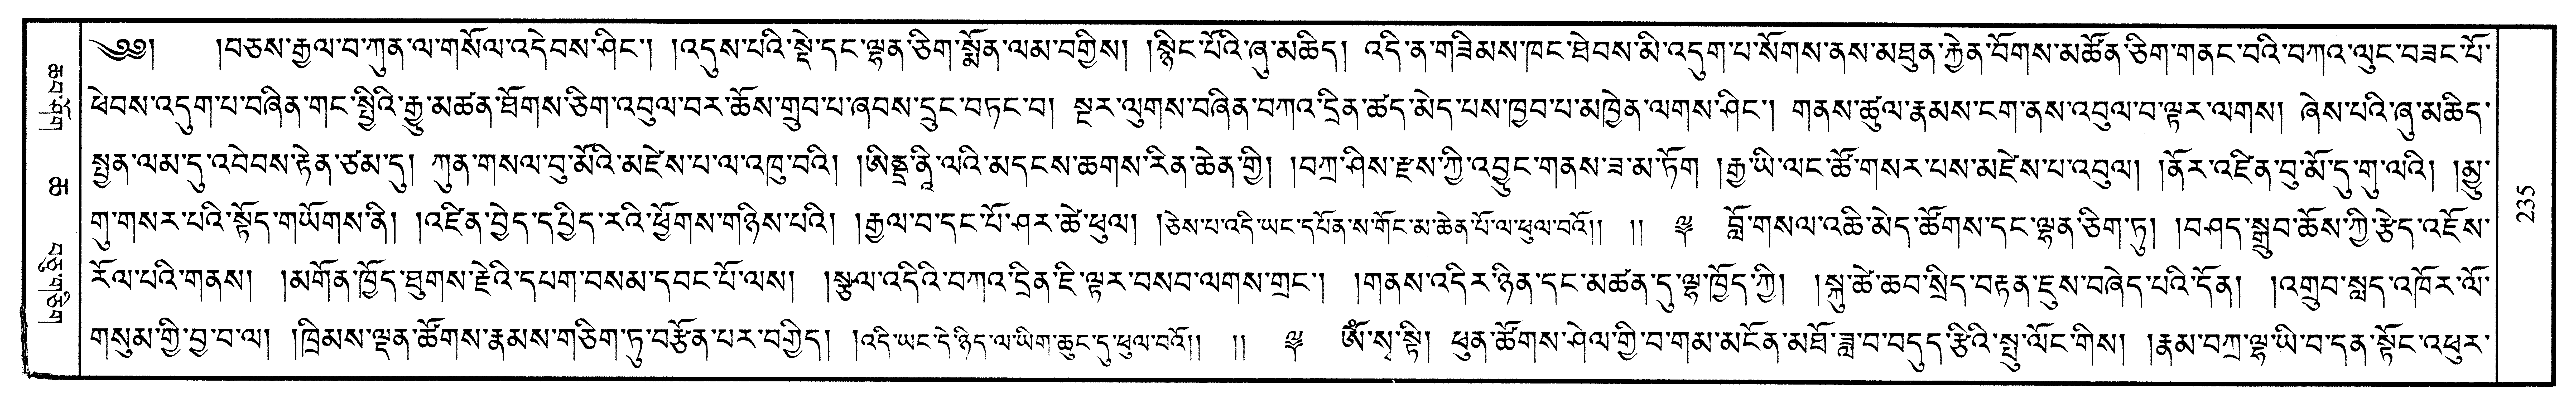༄༅། །བཅས་རྒྱལ་བ་ཀུན་ལ་གསོལ་འདེབས་ཤིང་། །འདུས་པའི་སྡེ་དང་ལྷན་ཅིག་སྨོན་ལམ་བགྱིས། །སྙིང་པོའི་ཞུ་མཆིད། འདི་ན་གཟིམས་ཁང་ཐེབས་མི་འདུག་པ་སོགས་ནས་མཐུན་རྐྱེན་བོགས་མཚོན་ཅིག་གནང་བའི་བཀའ་ལུང་བཟང་པོ་
ཕེབས་འདུག་པ་བཞིན་གང་སྤྱིའི་རྒྱུ་མཚན་ཐོགས་ཅིག་འབུལ་བར་ཆོས་གྲུབ་པ་ཞབས་དྲུང་བཏང་བ། སྔར་ལུགས་བཞིན་བཀའ་དྲིན་ཚད་མེད་པས་ཁྱབ་པ་མཁྱེན་ལགས་ཤིང་། གནས་ཚུལ་རྣམས་ངག་ནས་འབུལ་བ་ལྟར་ལགས། ཞེས་པའི་ཞུ་མཆིད་
སྤྱན་ལམ་དུ་འབེབས་རྟེན་ཙམ་དུ། ཀུན་གསལ་བུ་མོའི་མཛེས་པ་ལ་འཁུ་བའི། །ཨིནྡྲ་ནཱི་ལའི་མདངས་ཆགས་རིན་ཆེན་གྱི། །བཀྲ་ཤིས་རྫས་ཀྱི་འབྱུང་གནས་ཟ་མ་ཏོག །རྒྱ་ཡི་ལང་ཚོ་གསར་པས་མཛེས་པ་འབུལ། །ནོར་འཛིན་བུ་མོ་དུ་གུ་ལའི། །མྱུ་
གུ་གསར་པའི་སྟོད་གཡོགས་ནི། །འཛིན་བྱེད་དཔྱིད་རའི་ཕྱོགས་གཉིས་པའི། །རྒྱལ་བ་དང་པོ་ཤར་ཚེ་ཕུལ། །ཅེས་པ་འདི་ཡང་དཔོན་ས་གོང་མ་ཆེན་པོ་ལ་ཕུལ་བའོ།། །། ༈ བློ་གསལ་འཆི་མེད་ཚོགས་དང་ལྷན་ཅིག་ཏུ། །བཤད་སྒྲུབ་ཆོས་ཀྱི་རྩེད་འཇོས་
རོལ་པའི་གནས། །མགོན་ཁྱོད་ཐུགས་རྗེའི་དཔག་བསམ་དབང་པོ་ལས། །སྩལ་འདིའི་བཀའ་དྲིན་ཇི་ལྟར་བསབ་ལགས་གྲང་། །གནས་འདིར་ཉིན་དང་མཚན་དུ་ལྷ་ཁྱོད་ཀྱི། །སྐུ་ཚེ་ཆབ་སྲིད་བརྟན་ཇུས་བཞེད་པའི་དོན། །འགྲུབ་སླད་འཁོར་ལོ་
གསུམ་གྱི་བྱ་བ་ལ། །ཁྲིམས་ལྡན་ཚོགས་རྣམས་གཅིག་ཏུ་བརྩོན་པར་བགྱིད། །འདི་ཡང་དེ་ཉིད་ལ་ཡིག་ཆུང་དུ་ཕུལ་བའོ།། །། ཨོཾ་སྭ་སྟི། ཕུན་ཚོགས་ཤེལ་གྱི་བ་གམ་མངོན་མཐོ་ཟླ་བ་བདུད་རྩིའི་སྤུ་ལོང་གིས། །རྣམ་བཀྲ་ལྷ་ཡི་བ་དན་སྟོང་འཕུར་